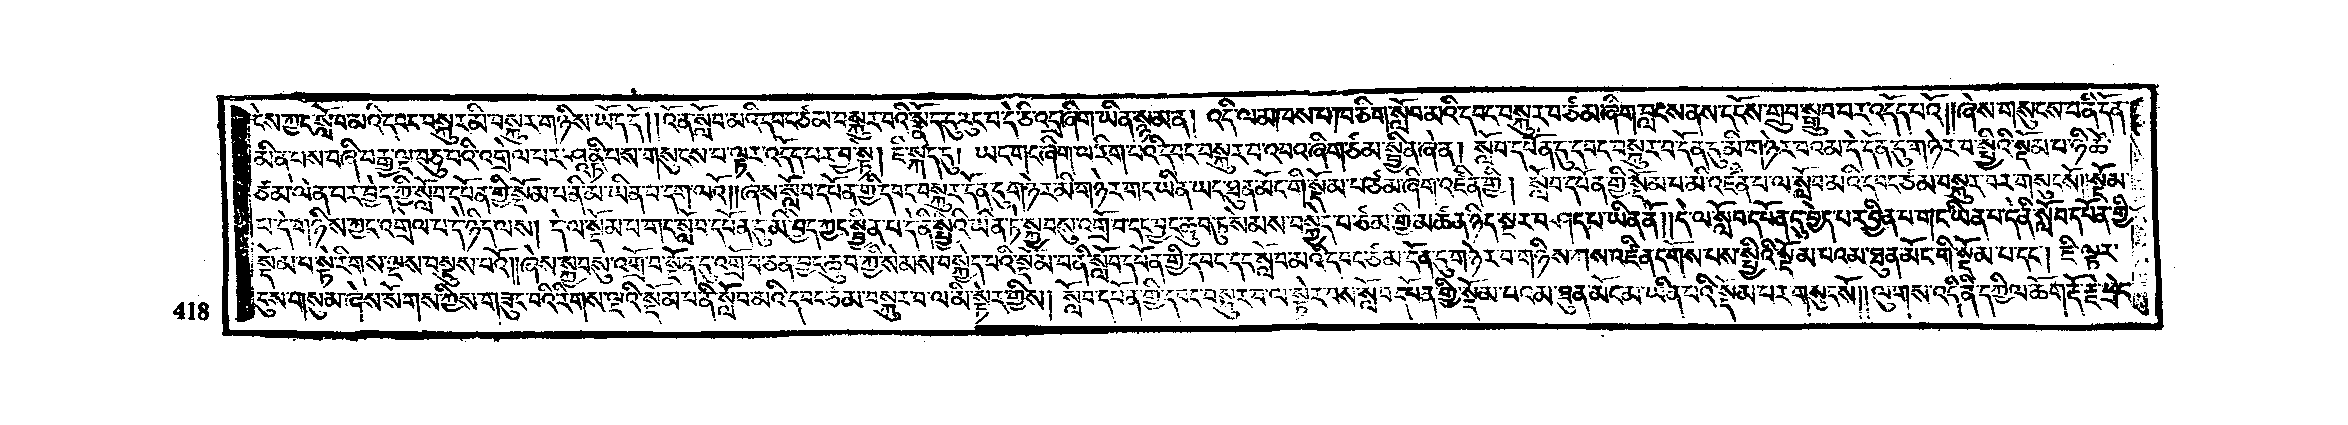ངེས་ཀྱང་སློབ་མའི་དབང་བསྐུར་མི་བསྐུར་གཉིས་ཡོད་དོ། །འོ་ན་སློབ་མའི་དབང་ཙམ་བསྐུར་བའི་སྣོད་དུ་རུང་བ་དེ་ཅི་འདྲ་ཞིག་ཡིན་སྙམ་ན། འདི་ལ་མཁས་པ་ཁ་ཅིག་སློབ་མའི་དབང་བསྐུར་བ་ཙམ་ཞིག་བླངས་ནས་དངོས་གྲུབ་སྒྲུབ་པར་འདོད་པའོ། །ཞེས་གསུངས་པ་ནི་དོན་
མིན་པས་བཞི་བརྒྱ་ལྔ་བཅུ་པའི་འགྲེལ་པར་ཤཱནྟི་པས་གསུངས་པ་ལྟར་འདོད་པར་བྱ་སྟེ། ཇི་སྐད་དུ། ཡང་གང་ཞིག་ལ་རིག་པའི་དབང་བསྐུར་བ་འབའ་ཞིག་ཙམ་སྦྱིན་ཞེ་ན། སློབ་དཔོན་དུ་དབང་བསྐུར་བ་དོན་དུ་མི་གཉེར་བའམ་དེ་དོན་དུ་གཉེར་བ་སྤྱིའི་སྡོམ་པ་ཉི་ཚེ་
ཙམ་ལེན་པར་བྱེད་ཀྱི་སློབ་དཔོན་གྱི་སྡོམ་པ་ནི་མ་ཡིན་པ་དག་ལའོ། །ཞེས་སློབ་དཔོན་གྱི་དབང་བསྐུར་དོན་དུ་གཉེར་མི་གཉེར་གང་ཡིན་ཡང་ཐུན་མོང་གི་སྡོམ་པ་ཙམ་ཞིག་འཛིན་གྱི། སློབ་དཔོན་གྱི་སྡོམ་པ་མི་འཛིན་པ་ལ་སློབ་མའི་དབང་ཙམ་བསྐུར་བར་གསུངས་སོ། །སྡོམ་
པ་དེ་གཉིས་ཀྱང་འགྲེལ་པ་དེ་ཉིད་ལས། དེ་ལ་སྡོམ་པ་གང་སློབ་དཔོན་དུ་མི་བྱེད་ཀྱང་སྦྱིན་པ་དེ་ནི་སྤྱིའི་ཡིན་ཏེ་སྐྱབས་སུ་འགྲོ་བ་དང་བྱང་ཆུབ་ཏུ་སེམས་བསྐྱེད་པ་ཙམ་གྱི་མཚན་ཉིད་སྔར་བཤད་པ་ཡིན་ནོ། །དེ་ལ་སློབ་དཔོན་དུ་བྱེད་པར་བྱིན་པ་གང་ཡིན་པ་དེ་ནི་སློབ་དཔོན་གྱི་
སྡོམ་པ་སྟེ་རིགས་ལྔས་བསྡུས་པའོ། །ཞེས་སྐྱབས་སུ་འགྲོ་བ་སྔོན་དུ་འགྲོ་བ་ཅན་བྱང་ཆུབ་ཀྱི་སེམས་བསྐྱེད་པའི་སྡོམ་པ་ནི་སློབ་དཔོན་གྱི་དབང་དང་སློབ་མའི་དབང་ཙམ་དོན་དུ་གཉེར་བ་གཉིས་ཀས་འཛིན་དགོས་པས་སྤྱིའི་སྡོམ་པའམ་ཐུན་མོང་གི་སྡོམ་པ་དང་། ཇི་ལྟར་
དུས་གསུམ་ཞེས་སོགས་ཀྱིས་གཟུང་བའི་རིགས་ལྔའི་སྡོམ་པ་ནི་སློབ་མའི་དབང་ཙམ་བསྐུར་བ་ལ་མི་སྟེར་གྱིས། སློབ་དཔོན་གྱི་དབང་བསྐུར་བ་ལ་སྟེར་བས་སློབ་དཔོན་གྱི་སྡོམ་པའམ་ཐུན་མོང་མ་ཡིན་པའི་སྡོམ་པར་གསུངས་སོ། །ལུགས་འདི་ནི་དཀྱིལ་ཆོག་རྡོ་རྗེ་ཕྲེང་